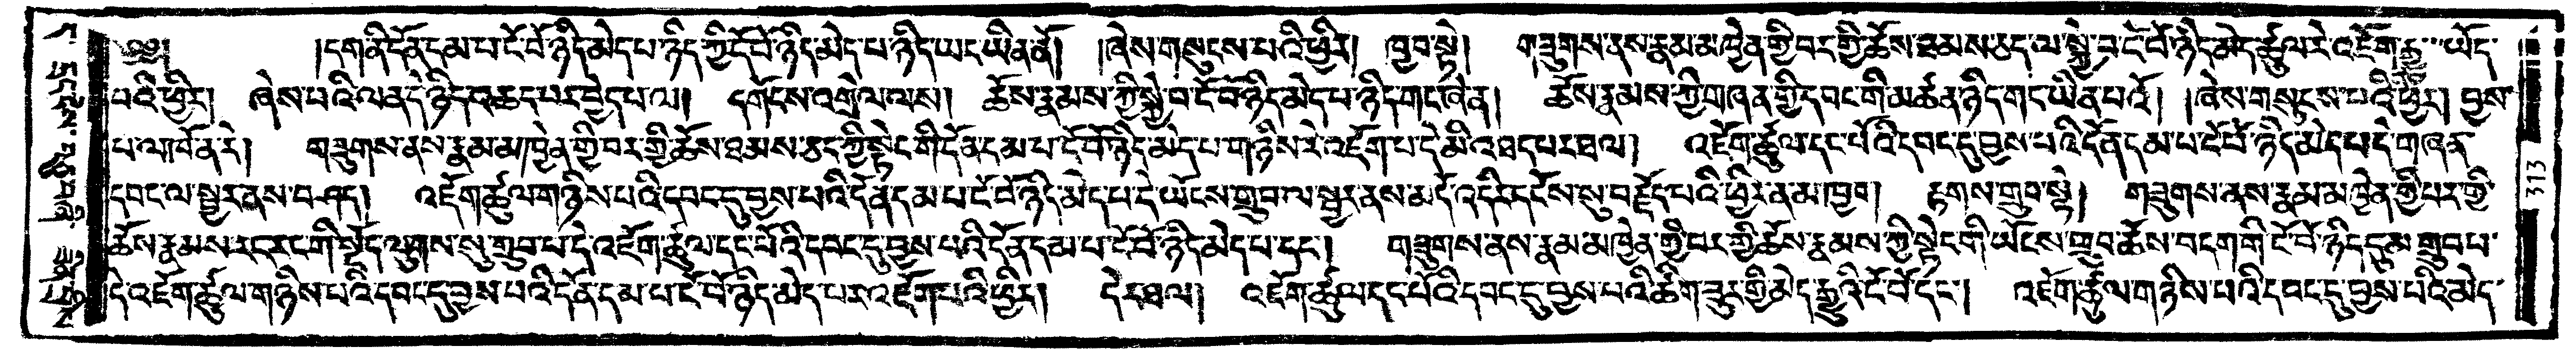༄༅། །དག་ནི་དོན་དམ་པ་ངོ་བོ་ཉིད་མེད་པ་ཉིད་ཀྱི་ངོ་བོ་ཉིད་མེད་པ་ཉིད་ཡང་ཡིན་ནོ། །ཞེས་གསུངས་པའི་ཕྱིར། ཁྱབ་སྟེ། གཟུགས་ནས་རྣམ་མཁྱེན་གྱི་བར་གྱི་ཆོས་ཐམས་ཅད་ལ་སྐྱེ་བ་ངོ་བོ་ཉིད་མེད་ཚུལ་རེ་འཇོག་རྒྱུ་ཡོད་
པའི་ཕྱིར། ཞེས་པའི་ལན་དེ་ཉིད་འཆད་པར་བྱེད་པ་ལ། དགོངས་འགྲེལ་ལས། ཆོས་རྣམས་ཀྱི་སྐྱེ་བ་ངོ་བོ་ཉིད་མེད་པ་ཉིད་གང་ཞེ་ན། ཆོས་རྣམས་ཀྱི་གཞན་གྱི་དབང་གི་མཚན་ཉིད་གང་ཡིན་པའོ། །ཞེས་གསུངས་པའི་ཕྱིར། བྱས་
པ་ལ་ཁོ་ན་རེ། གཟུགས་ནས་རྣམ་མཁྱེན་གྱི་བར་གྱི་ཆོས་ཐམས་ཅད་ཀྱི་སྟེང་གི་དོན་དམ་པ་ངོ་བོ་ཉིད་མེད་པ་གཉིས་རེ་འཇོག་པ་དེ་མི་འཐད་པར་ཐལ། འཇོག་ཚུལ་དང་པོའི་དབང་དུ་བྱས་པའི་དོན་དམ་པ་ངོ་བོ་ཉིད་མེད་པ་དེ་གཞན་
དབང་ལ་སྦྱར་ནས་བཤད། འཇོག་ཚུལ་གཉིས་པའི་དབང་དུ་བྱས་པའི་དོན་དམ་པ་ངོ་བོ་ཉིད་མེད་པ་དེ་ཡོངས་གྲུབ་ལ་སྦྱར་ནས་མདོ་འདིར་དངོས་སུ་བརྗོད་པའི་ཕྱིར་ན་མ་ཁྱབ། རྟགས་གྲུབ་སྟེ། གཟུགས་ནས་རྣམ་མཁྱེན་གྱི་པར་གྱི་
ཆོས་རྣམས་རང་རང་གི་སྡོད་ལུགས་སུ་གྲུབ་པ་དེ་འཇོག་ཚུལ་དང་པོའི་དབང་དུ་བྱས་པའི་དོན་དམ་པ་ངོ་བོ་ཉིད་མེད་པ་དང་། གཟུགས་ནས་རྣམ་མཁྱེན་གྱི་བར་གྱི་ཆོས་རྣམས་ཀྱི་སྟེང་གི་ཡོངས་གྲུབ་ཆོས་བདག་གི་ངོ་བོ་ཉིད་དུ་མ་གྲུབ་པ་
དེ་འཇོག་ཚུལ་གཉིས་པའི་དབང་དུ་བྱས་པའི་དོན་དམ་པ་ངོ་བོ་ཉིད་མེད་པར་འཇོག་པའི་ཕྱིར། དེར་ཐལ། འཇོག་ཚུལ་དང་པོའི་དབང་དུ་བྱས་པའི་ཚིག་ཟུར་གྱི་མེད་རྒྱུའི་ངོ་བོ་དང་། འཇོག་ཚུལ་གཉིས་པའི་དབང་དུ་བྱས་པའི་མེད་